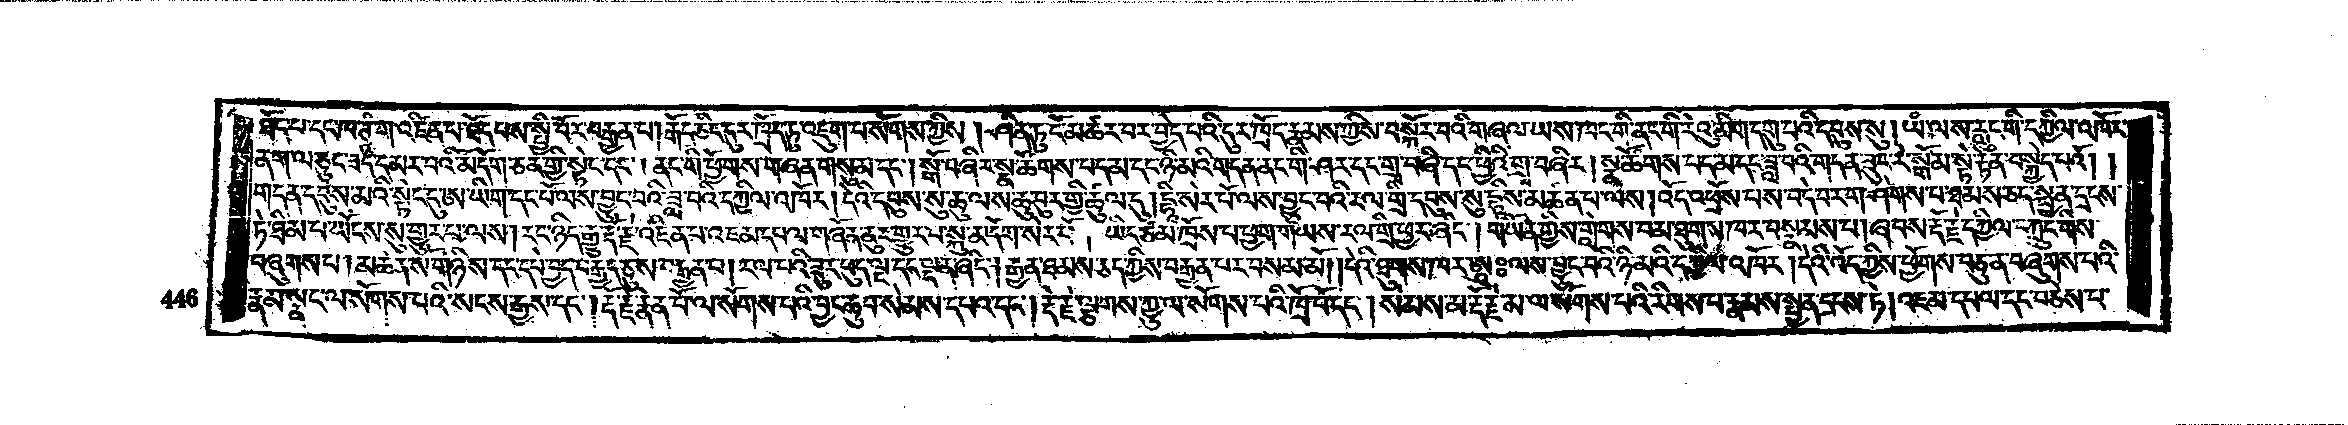ཐོད་པ་དང་ཁ་ཊྲཱཾ་ག་འཛིན་པ་ཐོད་པས་སྤྱི་བོར་བརྒྱན་པ། རྒོད་ཅིང་དུར་ཁྲོད་ཏུ་འཇུག་པ་སོགས་ཀྱིས། ཤིན་ཏུ་ངོ་མཚར་བར་བྱེད་པའི་དུར་ཁྲོད་རྣམས་ཀྱིས་བསྐོར་བའི་གཞལ་ཡས་ཁང་གི་ནང་གི་རེའུ་མིག་དགུ་པའི་དབུས་སུ། ཡཾ་ལས་རླུང་གི་དཀྱིལ་འཁོར་
ནག་ལ་ཅུང་ཟད་དམར་བའི་མདོག་ཅན་གྱི་སྟེང་དང་། ནང་གི་ཕྱོགས་གཞན་གསུམ་དང་། སྒོ་བཞིར་སྣ་ཚོགས་པད་མ་དང་ཉི་མའི་གདན་ནང་གི་ཤར་དང་གྲྭ་བཞི་དང་ཕྱིའི་གྲྭ་བཞིར། སྣ་ཚོགས་པད་མ་དང་ཟླ་བའི་གདན་ཟུང་རེ་སྒོམ་སྟེ་རྟེན་བསྐྱེད་པའོ། །
གདན་དབུས་མའི་སྟེང་དུ་ཨ་ཡིག་དང་པོ་ལས་བྱུང་བའི་ཟླ་བའི་དཀྱིལ་འཁོར། དེའི་དབུས་སུ་ཆུ་ལས་ཆུ་བུར་གྱི་ཚུལ་དུ། དྷཱི་སེར་པོ་ལས་བྱུང་བའི་རལ་གྲི་དབུས་སུ་དྷཱིས་མཚན་པ་ལས། འོད་འཕྲོས་པས་བདེ་བར་གཤེགས་པ་ཐམས་ཅད་སྤྱན་དྲངས་
ཏེ་ཐིམ་པ་ཡོངས་སུ་གྱུར་པ་ལས། རང་ཉིད་རྒྱུ་རྡོ་རྗེ་འཛིན་པ་འཇམ་དཔལ་གཞོན་ནུར་གྱུར་པ་སྐུ་མདོག་སེར་པོ། ཡིད་ཙམ་ཁྲོས་པ་ཕྱག་གཡས་རལ་གྲི་ཕྱར་ཞིང་། གཡོན་གྱིས་གླེགས་བམ་ཐུགས་ཁར་བསྣམས་པ། ཞབས་རྡོ་རྗེ་དཀྱིལ་དཀྲུང་གིས་
བཞུགས་པ། མཚན་སོ་གཉིས་དང་དཔེ་བྱེད་བརྒྱད་ཅུས་བརྒྱན་པ། རལ་པའི་ཟུར་ཕུད་ལྔ་དང་ལྡན་ཞིང་། རྒྱན་ཐམས་ཅད་ཀྱིས་བརྒྱན་པར་བསམ་མོ། །དེའི་ཐུགས་ཁར་ཨཱཿ ལས་བྱུང་བའི་ཉི་མའི་དཀྱིལ་འཁོར། དེའི་འོད་ཀྱིས་ཕྱོགས་བཅུ་ན་བཞུགས་པའི་
རྣམ་སྣང་ལ་སོགས་པའི་སངས་རྒྱས་དང་། རྡོ་རྗེ་རྣོན་པོ་ལ་སོགས་པའི་བྱང་ཆུབ་སེམས་དཔའ་དང་། རྡོ་རྗེ་ལྕགས་ཀྱུ་ལ་སོགས་པའི་ཁྲོ་བོ་དང་། སེམས་མ་རྡོ་རྗེ་མ་ལ་སོགས་པའི་རིགས་པ་རྣམས་སྤྱན་དྲངས་ཏེ། འཇམ་དཔལ་དང་བཅས་པ་